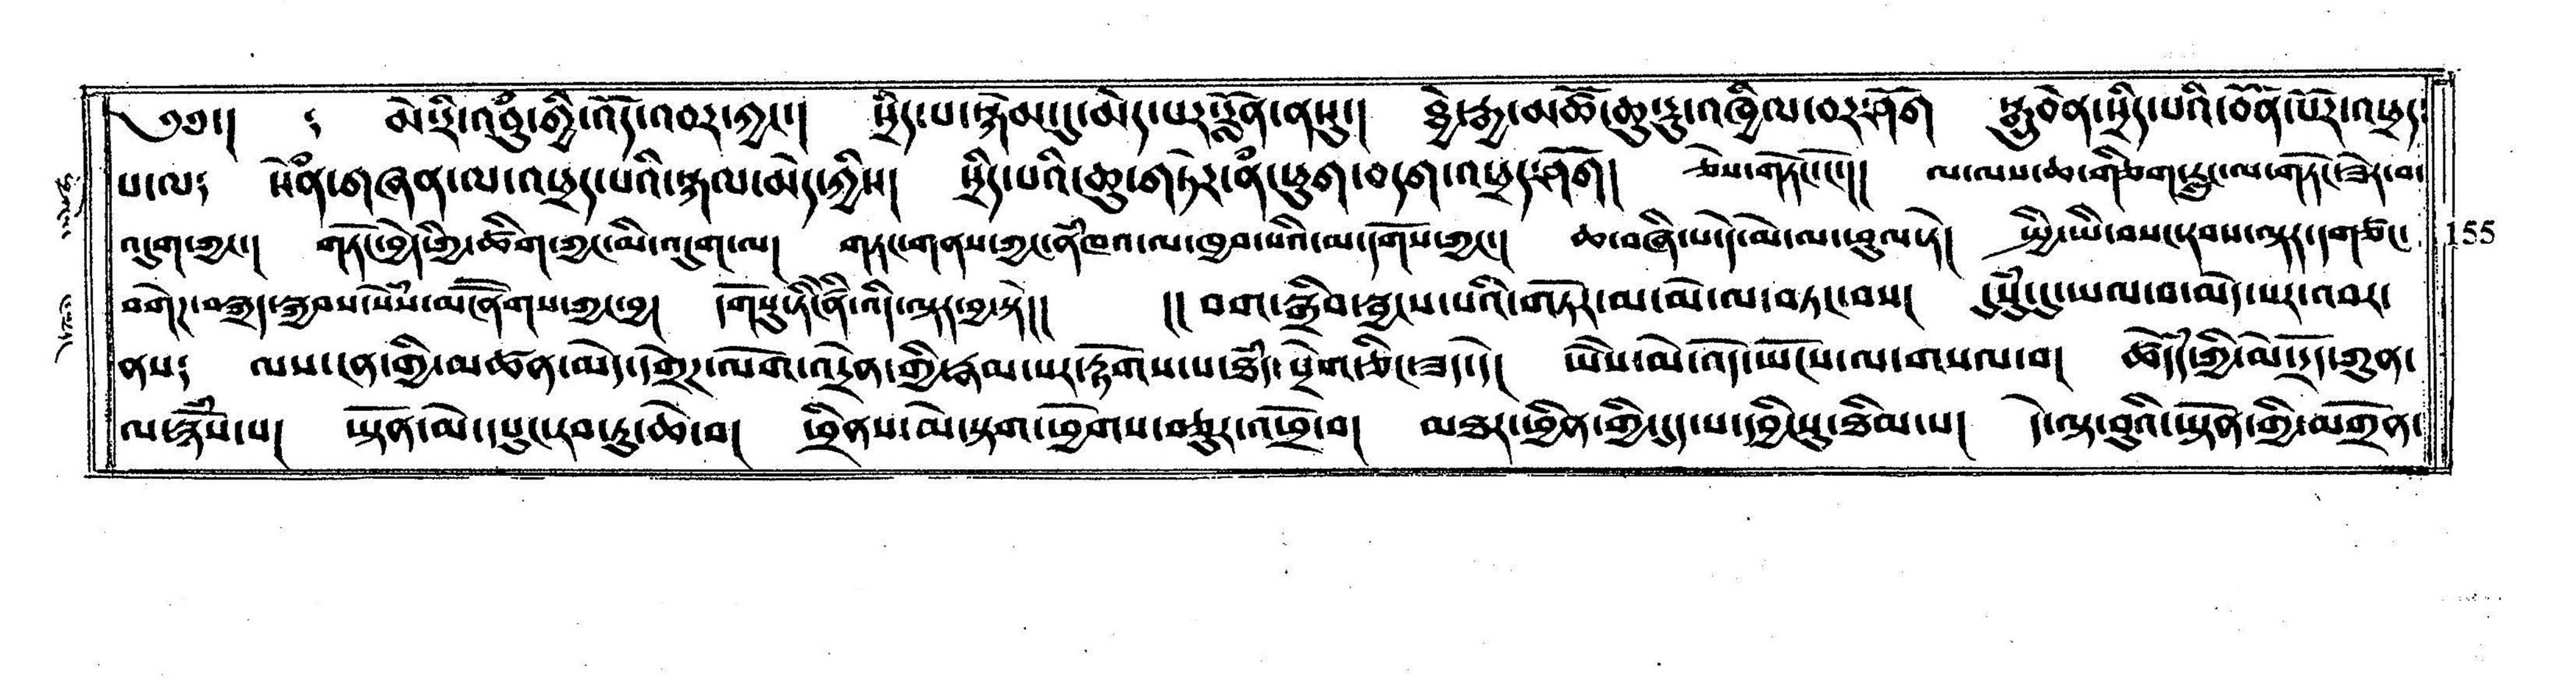མེ་རི་འབུམ་གྱི་འོད་འབར་ཀྱང་། སྲིད་པ་སྐེམ་དུ་མེད་པར་རློན་ནས་སུ། ཐུགས་རྗེ་རྒྱ་མཚོ་ཆུ་རུ་འཁྱིལ་བར་ཤོག སྒྲུབ་གཤེན་སྲིད་པའི་བོན་པོར་འཕྲད་
པ་ལ། སེམས་ཅན་གཞན་ལ་འཕྲད་པའི་སྐལ་མེད་ཀྱིས། སྲིད་པའི་ཆུ་གཏེར་ནམ་ཕུག་བདག་འཕྲད་ཤོག ཅེས་གཏོང་ངོ་།། ལ་ལས་ཆ་གཅིག་རླུང་ལ་གཏོང་ཟེར་བ་
འདུག་ཀྱང་། གཏོང་བྱེད་ཀྱི་ཚིག་ཀྱང་མི་འདུག་ལ། གཏང་གནས་ཀྱང་ནམ་མཁའ་ལ་ཁྱབ་པའི་མ་དགོས་ཀྱང་། ཆ་བཞི་པ་དེ་མེ་ལ་ཕུལ་ཏེ། སྤྱི་ཡི་བསང་རབས་ལྟར་དག་གཙང་
བགེགས་བསྐྲད་སྐྱབས་སེམས་མངོན་རྟོགས་ཀྱང་བྱ། དགོས་སུ་ཏིང་ངེ་འཛིན་འདི་ལྟར་བྱ་སྟེ།། །།བག་སྒྲིབ་སྦྱངས་པའི་གཏོར་མ་མེ་ལ་བཏང་བས། དུས་གསུམ་དུ་ཡལ་བ་མེད་པར་འབར་
ནས། ལས་ངན་གྱི་མཚན་མེད་དགྲ་བགེགས་ལོག་འདྲེན་གྱི་རྣམ་པར་རྟོག་པ་ཐམས་ཅད་སྲེག་ཅིང་ཟད་དེ། ཡེ་ཤེས་མེ་འོད་ཡོངས་ལ་གསལ་བ། ཚད་མེད་ཀྱི་མེ་དྲོད་ཀུན་
ལ་སྙོམས་པ། ཡོན་ཏན་མེ་དཔུང་རབ་ཏུ་ཆེ་བ། ཕྲིན་ལས་མེ་སྟག་ཕྱོགས་བཅུར་འཕྲོ་བ། མཐར་ཕྱིན་གྱི་དུད་པ་དབྱིངས་སུ་ཐིམ་པ། དེ་ལྟ་བུའི་ཡོན་ཏན་གྱི་མགྲོན་